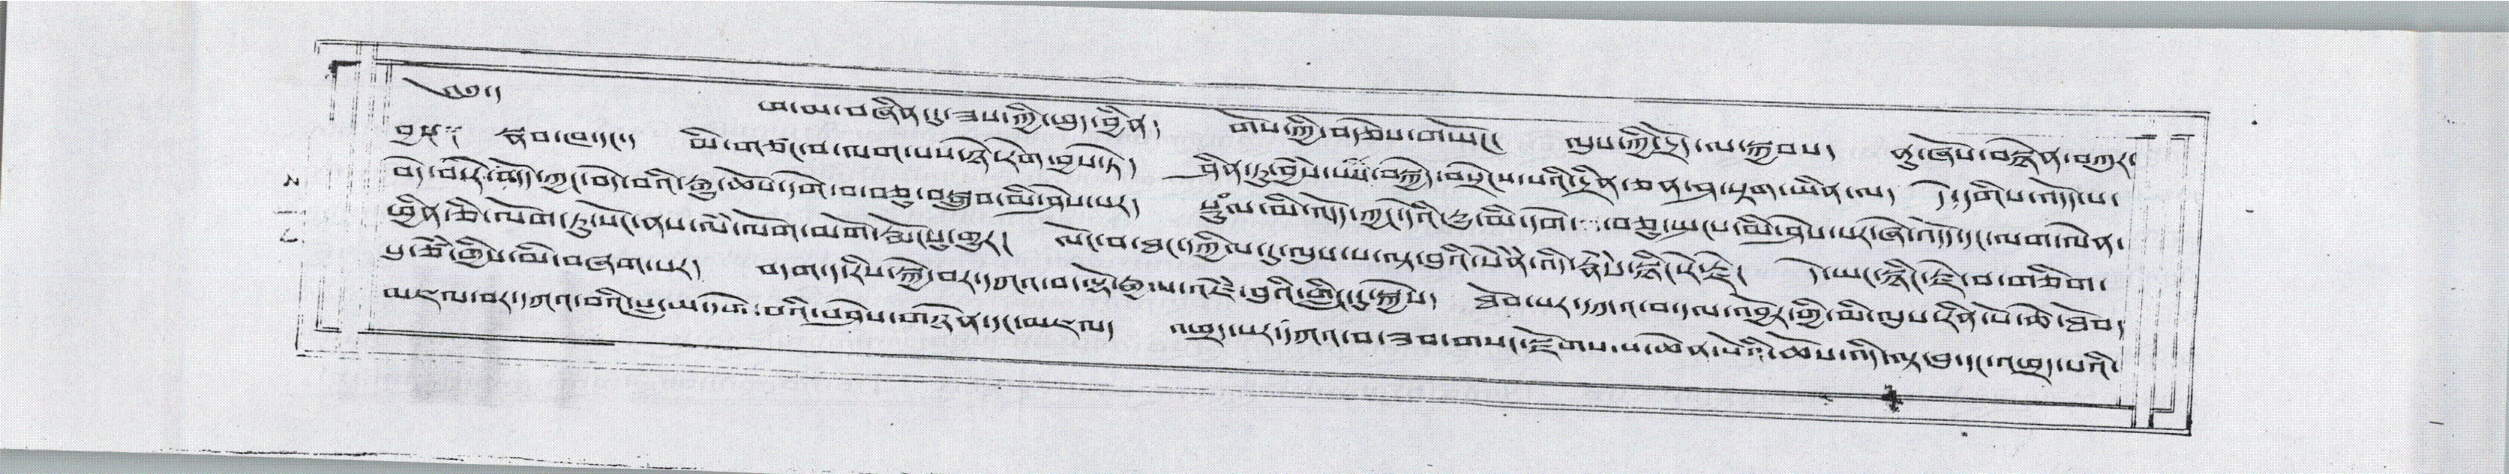ཕ་མ་བཞིན་དུ་ཟས་ཀྱི་ཕུད་སྦྱིན། གོས་ཀྱི་རྩེས་གཡོགས། ལུས་ཀྱི་དྲོད་ལ་བསྐྱབས། ནུ་ཞོས་བསྙེན་བསྐུར་
བྱས། སྣབ་ཁ་དང་། མི་གཙང་བས་ལག་པས་ཉེ་རེག་བྱས་ཏེ། ཤིན་ཏུ་བྱམས་སེམས་བསྐྱེད་བསྲིངས་པའི་དྲིན་ཅན་ཤ་སྟག་ཡིན་ལ། དེ་དག་གིས་འདོད་པ་
བདེ་བ་རེ་འདོད་ཀྱང་བདེ་བའི་རྒྱུ་དགེ་བ་བསྒྲུབ་མི་ཤེས་པར། སྡུག་བསྔལ་མི་འདོད་པ་དེའི་རྒྱུ་མི་དགེ་བཅུ་སྤངས་མི་ཤེས་པར་ཞེ་འདོད་དང་ལག་ལེན་
ཕྱིན་ཅི་ལོག་ཏུ་སོང་ནས་ལམ་ལོག་ཏུ་མགོ་རྨོངས་སུ་གྱུར། ལོང་བ་ཐང་དཀྱིལ་དུ་ལུས་པ་སེམས་ཅན་འདི་རྣམས་སྙིང་རེ་རྗེ། དེ་ཡང་སྙིང་རྗེ་བ་གཅིག་
པུ་ཙམ་གྱིས་མི་བཞག་པར། བདག་ད་རེས་སྐྱེ་བར་དཀའ་བ་ལྷོི་རྒྱལ་འཛམ་བུ་གླིང་དུ་སྐྱེས། ཐོབ་པར་དཀའ་བ་དལ་འབྱོར་གྱི་མི་ལུས་རིན་པོ་ཆེ་ཐོབ་
མཇལ་དཀའ་བའི་བླ་མ་དགེ་བའི་བཤེས་གཉེན་དང་མཇལ། འཕྲད་པར་དཀའ་བ་ཟབ་གསང་རྫོགས་པ་ཆེན་པོའི་ཆོས་འདི་ལྟ་བུ་དང་འཕྲད་པའི་